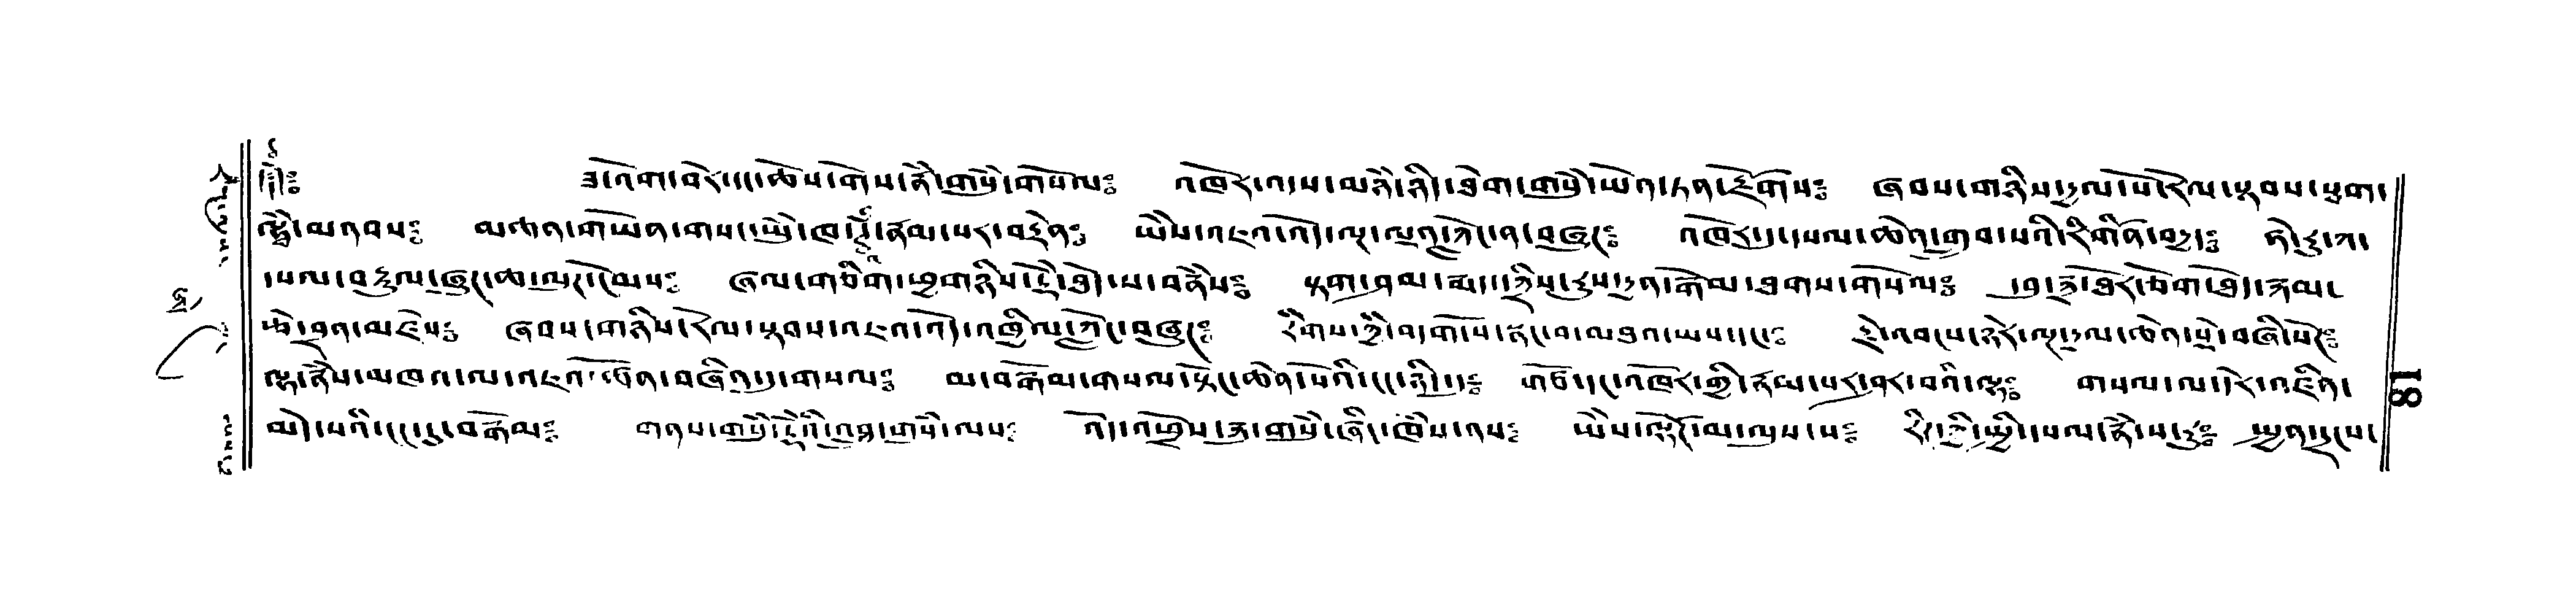ཟ་འོག་བེར་དང་ཆོས་གོས་རྣམ་གསུམ་གསོལ༔ འཁོར་འདས་མཉམ་ཉིད་ཐེག་གསུམ་ཡོན་ཏན་རྫོགས༔ ཞབས་གཉིས་རྒྱལ་པོ་རོལ་སྟབས་སག་
ལྷམ་མནབས༔ མཆན་གཡོན་གསང་ཡུམ་ཁ་ཊྭཱྃ་རྣམ་པར་བརྟེན༔ ཡེ་ཤེས་འཇའ་འོད་ལྔ་ལྡན་ཀློང་ན་བཞུགས༔ འཁོར་དུ་དཔལ་ཆེན་གྲུབ་པའི་རིག་འཛིན་བརྒྱད༔ ཧེ་རུ་ཀ་
དཔལ་བརྟུལ་ཞུགས་ཆ་ལུགས་ངོམས༔ ཞལ་གཅིག་ཕྱག་གཉིས་རྡོ་རྗེ་ཐོད་པ་བསྣམས༔ སྟག་ཤམ་སྨད་དཀྲིས་རུས་རྒྱན་སྒོམ་ཐག་གསོལ༔ དབུ་སྐྲ་ཐོར་ཅོག་ཐོད་སྐམ་
རྩེ་བྲན་མཛེས༔ ཞབས་གཉིས་རོལ་སྟབས་འཇའ་འོད་འཁྱིལ་ཀློང་བཞུགས༔ རིགས་ཀྱི་བདག་པོ་སྣང་བ་མཐའ་ཡས་དང༔ རྗེ་འབངས་ཉེར་ལྔ་རྒྱལ་ཆེན་སྡེ་བཞི་སོགས༔ 
ལྷ་རྣམས་མཁའ་ལ་འཇའ་ཚོན་བཞིན་དུ་གསལ༔ མ་བསྒོམ་གསལ་སྟོང་ཆེན་པོའི་ངང་ཉིད་དུ༔ གཙོ་དང་འཁོར་གྱི་རྣམ་པར་ཤར་བའི་ལྷ༔ གསལ་ལ་དེར་འཛིན་
མེད་པའི་ངང་དུ་བསྒོམ༔ གནས་གསུམ་རྡོ་རྗེའི་འབྲུ་གསུམ་ལས༔ འོད་འཕྲོས་སྐུ་གསུམ་ཞིང་ཁམས་ནས༔ ཡེ་ཤེས་ལྷ་ཚོགས་མ་ལུས་པ༔ རིགས་ཀྱི་སྤྱི་དཔལ་རྣམ་པ་རུ༔ སྤྱན་དྲངས་